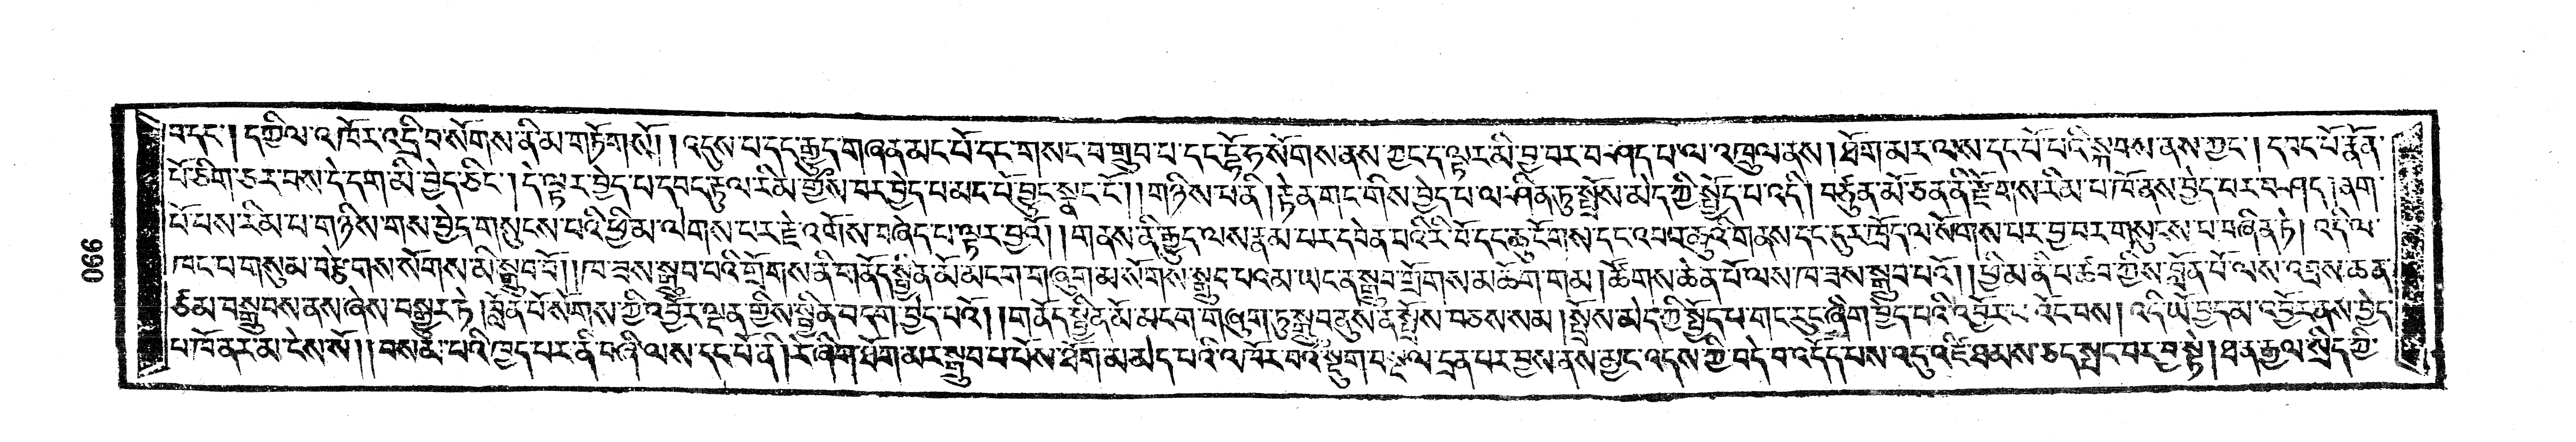བ་དང་། དཀྱིལ་འཁོར་འདྲི་བ་སོགས་ནི་མ་གཏོགས་སོ། །འདུས་པ་དང་རྒྱུད་གཞན་མང་པོ་དང་གསང་བ་གྲུབ་པ་དང་དྷོ་ཧ་སོགས་ནས་ཀྱང་དེ་ལྟར་མི་བྱ་བར་བཤད་པ་ལ་འཁྲུལ་ནས། ཐོག་མར་ལས་དང་པོ་པའི་སྐབས་ནས་ཀྱང་། དབང་པོ་རྣོན་
པོ་ཅིག་ཅར་བས་དེ་དག་མི་བྱེད་ཅིང་། དེ་ལྟར་བྱེད་པ་དབང་རྟུལ་རིམ་གྱིས་དབང་བྱེད་པ་མང་པོ་བྱུང་སྣང་ངོ། །གཉིས་པ་ནི། རྟེན་གང་གིས་བྱེད་པ་ལ་ཤིན་ཏུ་སྤྲོས་མེད་ཀྱི་སྤྱོད་པ་འདི། བཙུན་མོ་ཅན་ནི་རྫོགས་རིམ་པ་ཁོ་ནས་བྱེད་པར་བཤད། ནག་
པོ་པས་རིམ་པ་གཉིས་གས་བྱེད་གསུངས་པའི་ཕྱི་མ་ལེགས་པར་རྗེ་འགོས་བཞེད་པ་ལྟར་བྱའོ། །གནས་ནི་རྒྱུད་ལས་རྣམ་པར་དབེན་པའི་རི་བོ་དང་ཆུ་ངོགས་དང་འབབ་ཆུའི་གནས་དང་དུར་ཁྲོད་ལ་སོགས་པར་བྱ་བར་གསུངས་པ་བཞིན་ཏེ། འདི་ལ་
ཁང་པ་གསུམ་བརྩེགས་སོགས་མི་སྒྲུབ་བོ། །ཁ་ཟས་སྒྲུབ་པའི་གྲོགས་ནི་གནོད་སྦྱིན་མོ་མངག་གཞུག་མ་སོགས་སྒྲུབ་པའམ་ཡང་ན་སྒྲུབ་གྲོགས་མཆོག་གམ། ཚོགས་ཆེན་པོ་ལས་ཁ་ཟས་སྒྲུབ་པའོ། །ཕྱི་མ་ནི་པ་ཚབ་ཀྱིས་བློན་པོ་ལས་འབྲས་ཆན་
ཙམ་བསྒྲུབས་ནས་ཞེས་བསྒྱུར་ཏེ། བློན་པོ་སོགས་ཀྱི་འབྱོར་ལྡན་གྱིས་སྦྱིན་བདག་བྱེད་པའོ། །གནོད་སྦྱིན་མོ་མངག་གཞུག་ཏུ་སྒྲུབ་ནུས་ན་སྤྲོས་བཅས་སམ། སྤྲོས་མེད་ཀྱི་སྤྱོད་པ་གང་རུང་ཞིག་བྱེད་པའི་འབྱོར་པ་འོང་བས། འདི་ཡོ་བྱད་མ་འབྱོར་ནས་བྱེད་
པ་ཁོ་ནར་མ་ངེས་སོ། །བསམ་པའི་ཁྱད་པར་ནི་བཞི་ལས་དང་པོ་ནི། རེ་ཞིག་ཐོག་མར་སྒྲུབ་པ་པོས་ཐོག་མ་མེད་པའི་འཁོར་བའི་སྡུག་བསྔལ་དྲན་པར་བྱས་ནས་མྱང་འདས་ཀྱི་བདེ་བ་འདོད་པས་འདུ་འཛི་ཐམས་ཅད་སྤང་བར་བྱ་སྟེ། ཐ་ན་རྒྱལ་སྲིད་ཀྱི་